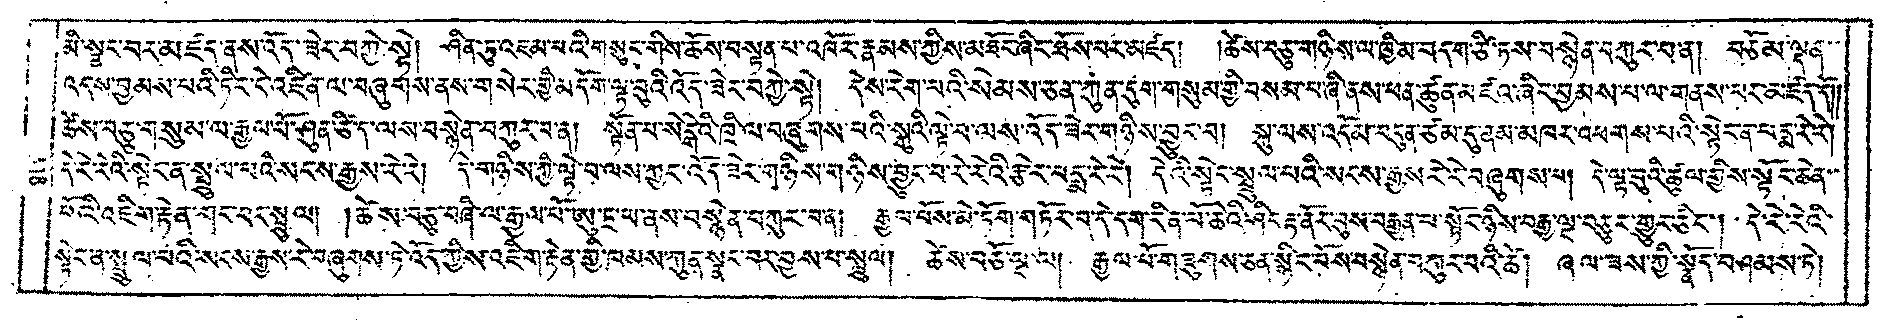མི་སྣང་བར་མཛད་ནས་འོད་ཟེར་བཀྱེ་སྟེ། ཤིན་ཏུ་འཇམ་པའི་གསུང་གིས་ཆོས་བསྟན་པ་འཁོར་རྣམས་ཀྱིས་མཐོང་ཞིང་ཐོས་པར་མཛད། །ཚེས་བཅུ་གཉིས་ལ་ཁྱིམ་བདག་ཙི་ཏས་བསྙེན་བཀུར་བ་ན། བཅོམ་ལྡན་
འདས་བྱམས་པའི་ཏིང་ངེ་འཛིན་ལ་བཞུགས་ནས་གསེར་གྱི་མདོག་ལྟ་བུའི་འོད་ཟེར་བཀྱེ་སྟེ། དེས་རེག་པའི་སེམས་ཅན་ཀུན་དུག་གསུམ་གྱི་བསམ་པ་ཞི་ནས་ཕན་ཚུན་མཛའ་ཞིང་བྱམས་པ་ལ་ལ་གནས་པར་མཛད་དོ།།
ཚེས་བཅུ་གསུམ་ལ་རྒྱལ་པོ་ཤུན་ཙི་ད་ལས་བསྙེན་བཀུར་བ་ན། སྟོན་པ་སེངྒེའི་ཁྲི་ལ་བཞུགས་པའི་སྐུའི་ལྟེ་བ་ལས་འོད་ཟེར་གཉིས་བྱུང་བ། སྐུ་ལས་འདོམ་བདུན་ཙམ་དུ་ནམ་མཁར་འཕགས་པའི་སྟེང་ན་པདམ་རེ་རེ།
དེ་རེ་རེའི་སྟེང་ན་སྤྲུལ་པའི་སངས་རྒྱས་རེ་རེ། དེ་གཉིས་ཀྱི་ལྟེ་བ་ལས་ཀྱང་འོད་ཟེར་གཉིས་གཉིས་བྱུང་བ་རེ་རེའི་རྩེར་པདམ་རེ་རེ། དེའི་སྟེང་སྤྲུལ་པའི་སངས་རྒྱས་རེ་རེ་བཞུགས་པ། དེ་ལྟ་བུའི་ཚུལ་གྱིས་སྟོང་ཆེན་
པོའི་འཇིག་རྟེན་གང་བར་སྤྲུལ། །ཚེས་བཅུ་བཞི་ལ་རྒྱལ་པོ་ཨུ་ཏྲ་ཡ་ནས་བསྙེན་བཀུར་བ་ན། རྒྱལ་པོས་མེ་ཏོག་གཏོར་བ་དེ་དག་རིན་པོ་ཆེའི་ཤིང་རྟ་ནོར་བུས་བརྒྱན་པ་སྟོང་ཉིས་བརྒྱ་ལྔ་བཅུར་གྱུར་ཅིང་། དེ་རེ་རེའི་
སྟེང་ན་སྤྲུལ་པའི་སངས་རྒྱས་རེ་བཞུགས་ཏེ་འོད་ཀྱིས་འཇིག་རྟེན་གྱི་ཁམས་ཀུན་སྣང་བར་བྱས་པ་སྤྲུལ། ཚེས་བཅོ་ལྔ་ལ། རྒྱལ་པོ་གཟུགས་ཅན་སྙིང་པོས་བསྙེན་བཀུར་བའི་ཚེ། ཞལ་ཟས་ཀྱི་སྣོད་བཤམས་ཏེ།